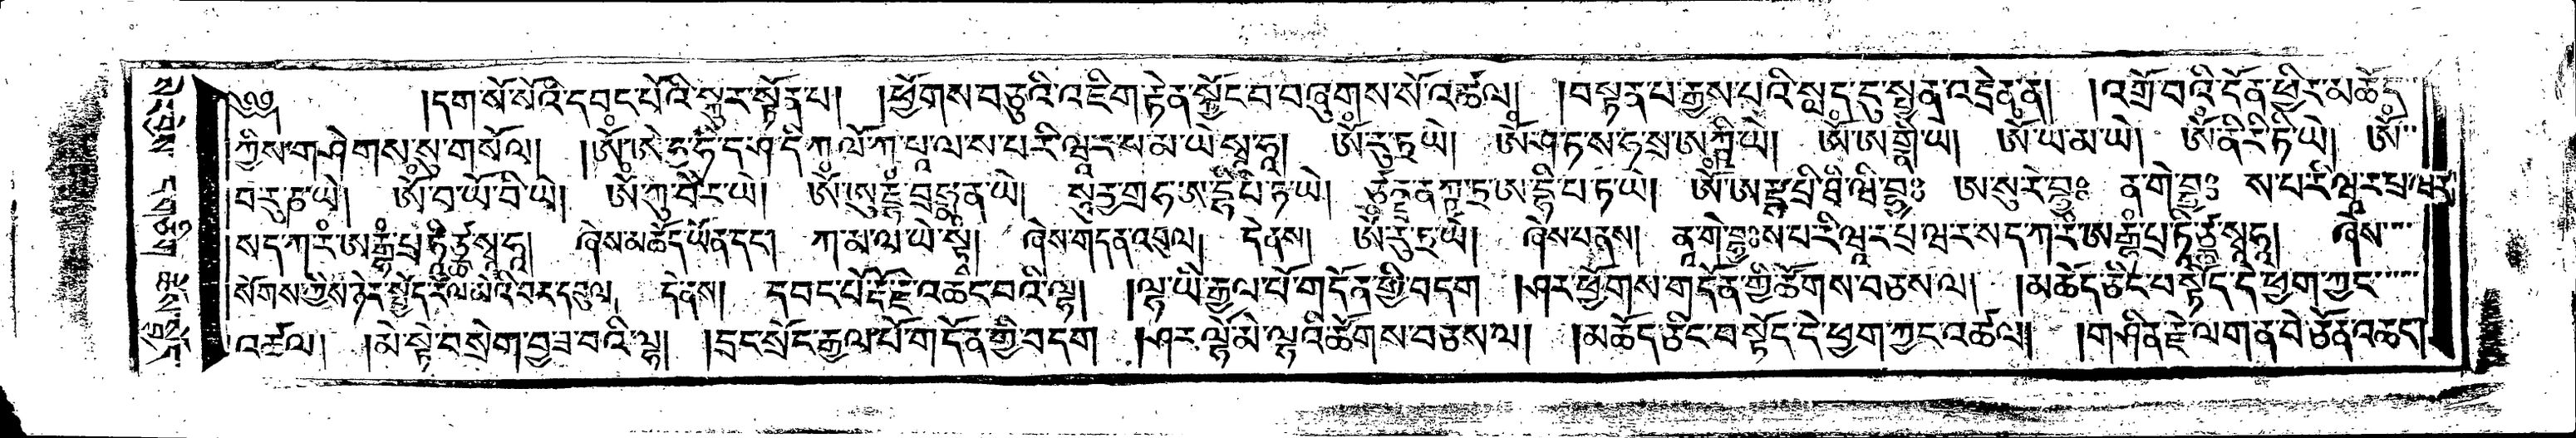༄༅། །དག་སོ་སོའི་དབང་པོའི་སྐུར་སྟོན་པ། །ཕྱོགས་བཅུའི་འཇིག་རྟེན་སྐྱོང་བ་བཞུགས་སོ་འཚལ། །བསྟན་པ་རྒྱས་པའི་སླད་དུ་སྤྱན་འདྲེན་ན། །འགྲོ་བའི་དོན་ཕྱིར་མཆོད་
ཀྱིས་གཤེགས་སུ་གསོལ། །ཨོཾ་ཨེ་ཧྱ་ཧི་ད་ཤ་དི་ཀ་ལོ་ཀ་པཱ་ལ་ས་པ་རི་ཝཱ་ར་ས་མ་ཡེ་སྭཱ་ཧཱ། ཨོཾ་རུ་ཏྲ་ཡེ། ཨོཾ་ཤ་ཏ་ས་ཧ་སྲ་ཨཀྵི་ཡེ། ཨོཾ་ཨགནི་ཡེ། ཨོཾ་ཡ་མ་ཡེ། ཨོཾ་ནི་རི་ཏི་ཡེ། ཨོཾ་
བ་རུ་ཎ་ཡེ། ཨོཾ་བ་ཡོ་བི་ཡེ། ཨོཾ་ཀུ་བཻར་ཡེ། ཨོཾ་ཨུ་རྔྷཾ་བྲཧྨ་ན་ཡེ། སཱུརྱ་གྲ་ཧ་ཨ་དྷི་པེ་ཧ་ཡེ། ཙནྡྲ་ནཀཥ་ཏྲ་ཨ་དྷི་པ་ཏ་ཡེ། ཨོཾ་ཨརྫྷ་པྲི་ཐི་ཝི་བྷྱཿ ཨ་སུ་རེ་བྷྱཿ ན་གེ་བྷྱཿ ས་པ་རི་ཝཱ་ར་པྲ་ཝར་
སད་ཀ་རཾ་ཨརྒྷཾ་པྲ་ཏཱི་ཙྪ་སྭཱ་ཧཱ། ཞེས་མཆོད་ཡོན་དང་། ཀ་མ་ལ་ཡེ་སྟྭ། ཞེས་གདན་འབུལ། དེ་ནས། ཨོཾ་རུ་ཏྲ་ཡེ། ཞེས་པ་ནས། ནཱ་གེ་བྷྱཿ ས་པ་རི་ཝཱ་ར་པྲ་ཝ་ར་སད་ཀ་རཾ་ཨརྒྷཾ་པྲ་ཏི་ཙྪ་སྭཱ་ཧཱ། ཞེས་
སོགས་ཀྱིས་ཉེར་སྤྱོད་རོལ་མེའི་བར་དབུལ། དེ་ནས། དབང་པོ་རྡོ་རྗེ་འཆང་བའི་ལྷ། །ལྷ་ཡི་རྒྱལ་པོ་གདོན་གྱི་བདག །ཤར་ཕྱོགས་གདོན་གྱི་ཚོགས་བཅས་ལ། །མཆོད་ཅིང་པ་སྟོད་དེ་ཕྱག་ཀྱང་
འཚལ། །མེ་སྟེ་བསྲེག་བྱ་ཟ་བའི་ལྷ། །དྲང་སྲོང་རྒྱལ་པོ་གདོན་གྱི་བདག །ཤར་ལྷོ་མེ་ལྷའི་ཚོགས་བཅས་ལ། །མཆོད་ཅིང་བསྟོད་དེ་ཕྱག་ཀྱང་འཚལ། །གཤིན་རྗེ་ལག་ན་བེ་ཅོན་འཆང་